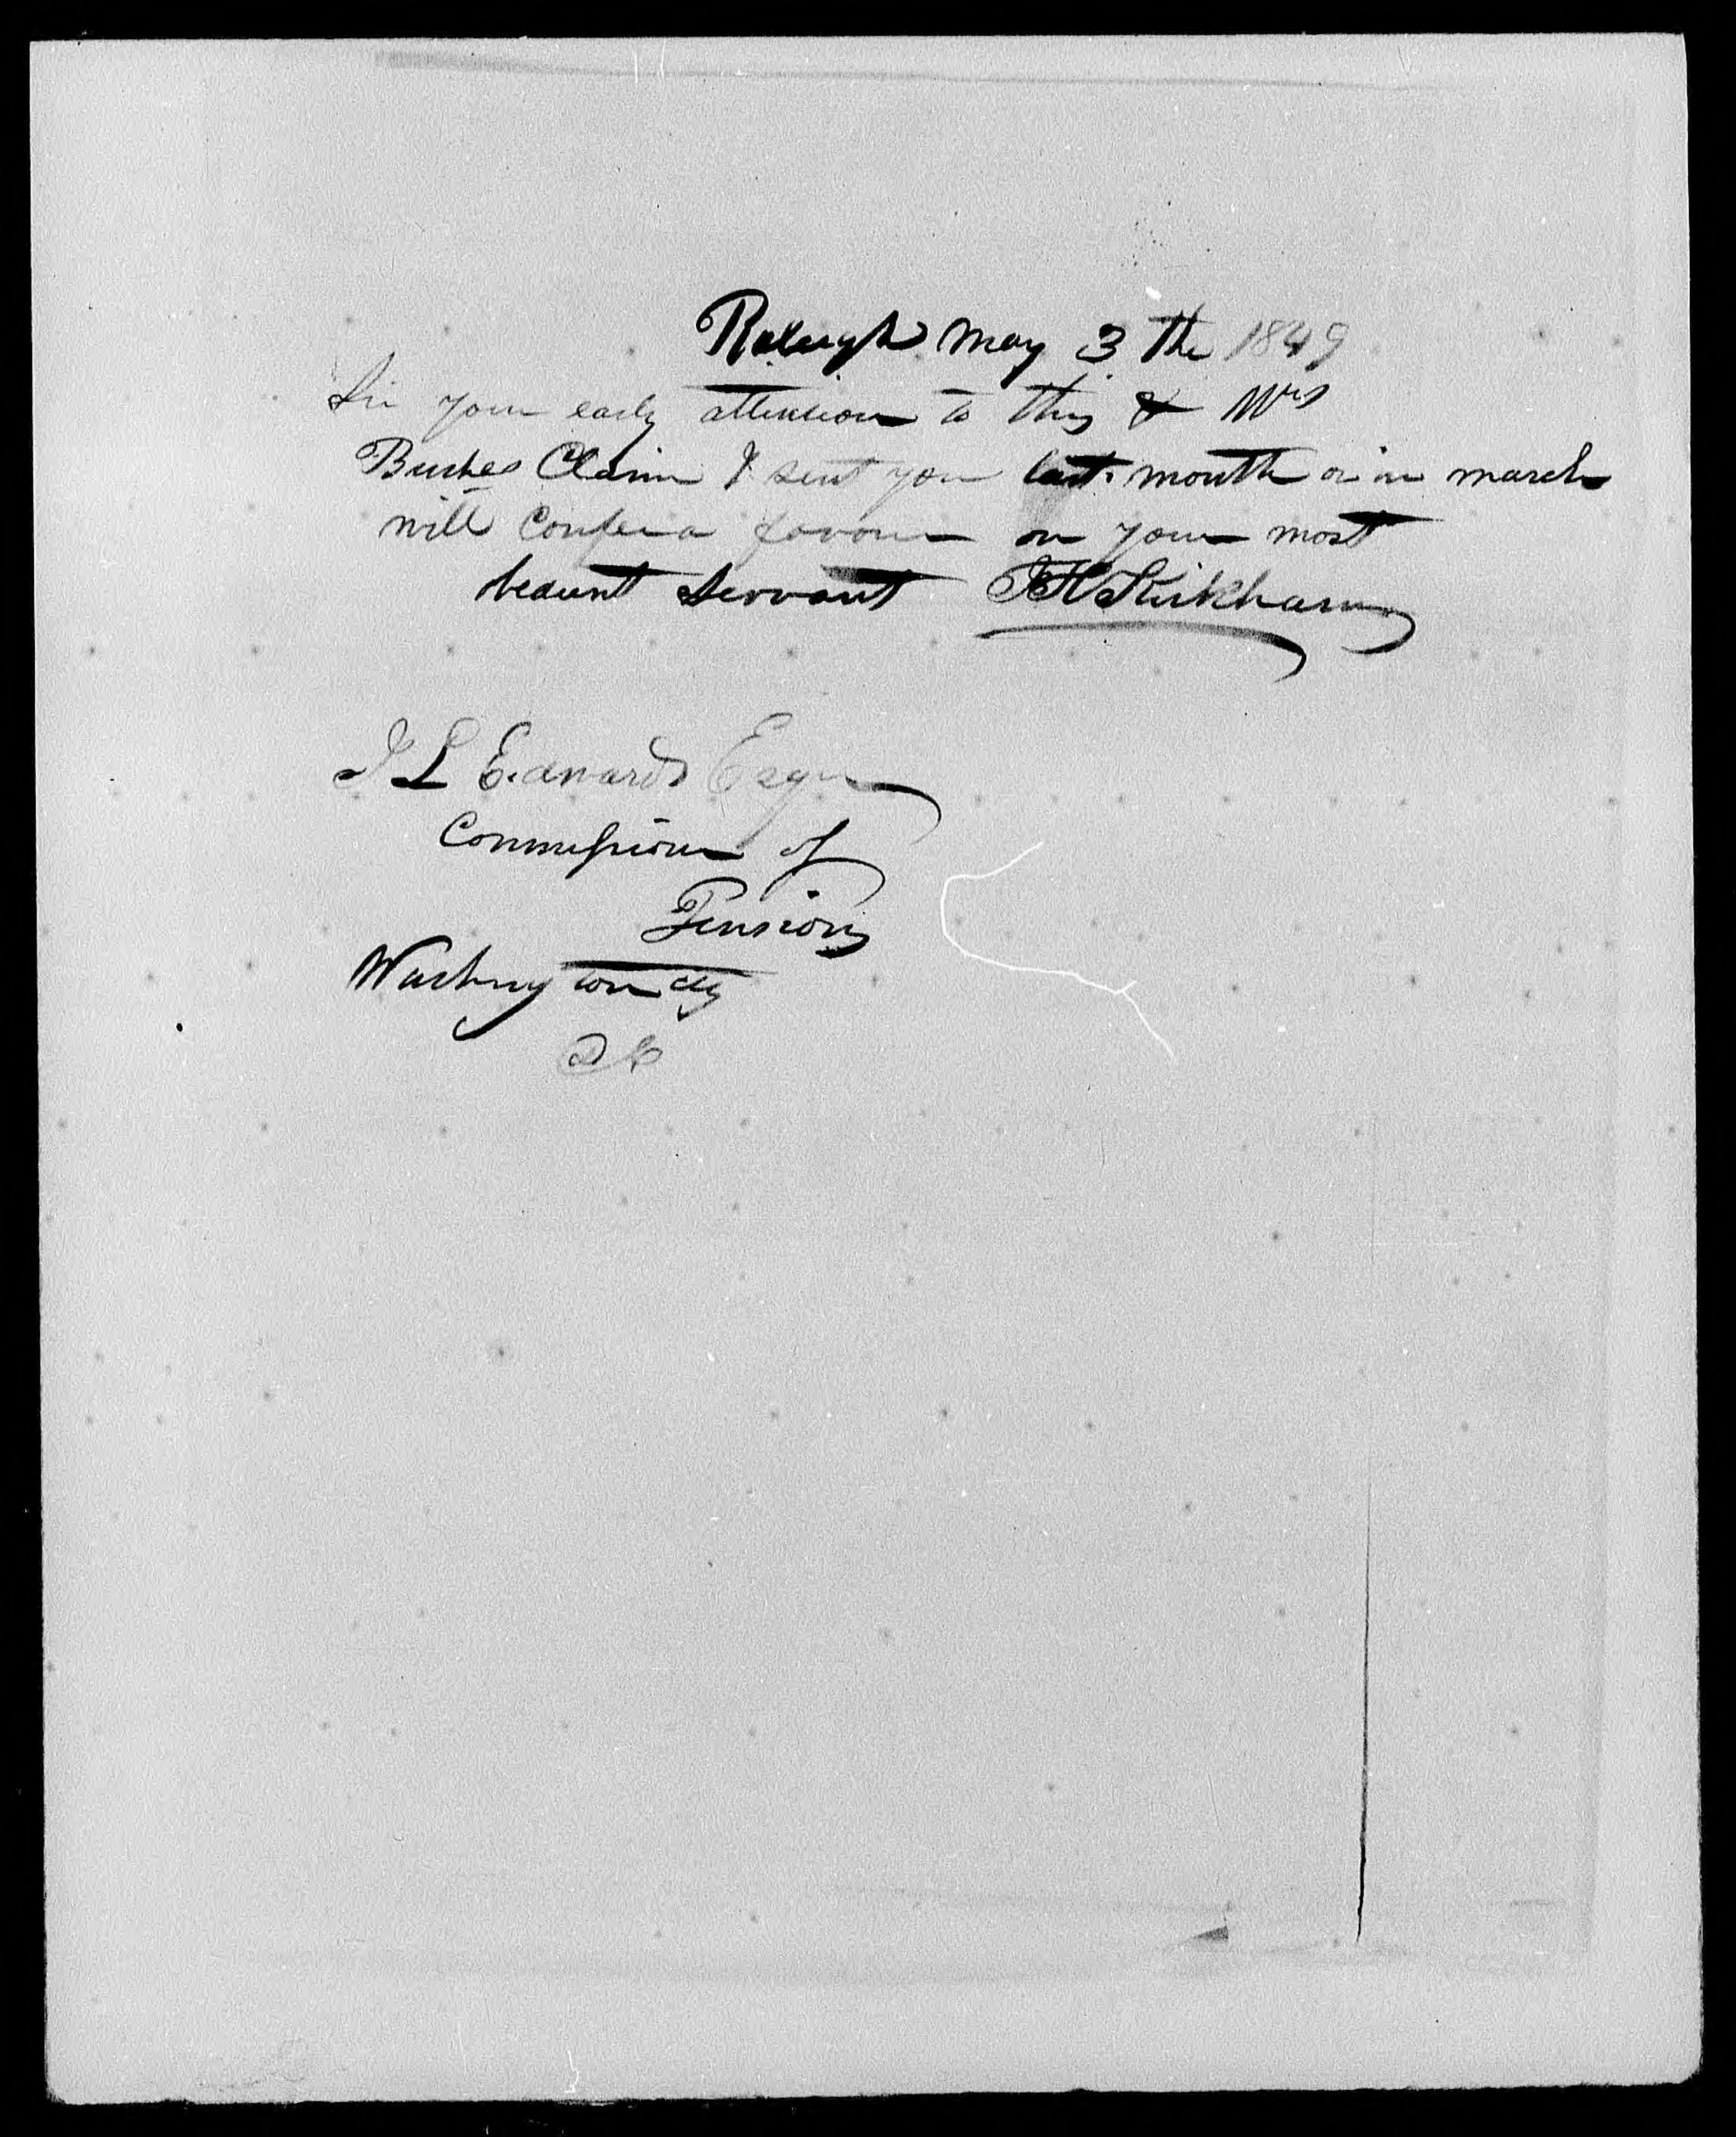Raleigh May 3rd 1849
Sir, your early attention to this and Mrs. Burches  claim I sent you last month or in March will confer a favor on your most obedient servant. 
J. H. Kirkham 
J. L. Edwards., Esq.
Commission of Pensions
Washington City, D.C.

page: 53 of 74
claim: rejected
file: R. 5600, for Abel Johnson, North Carolina